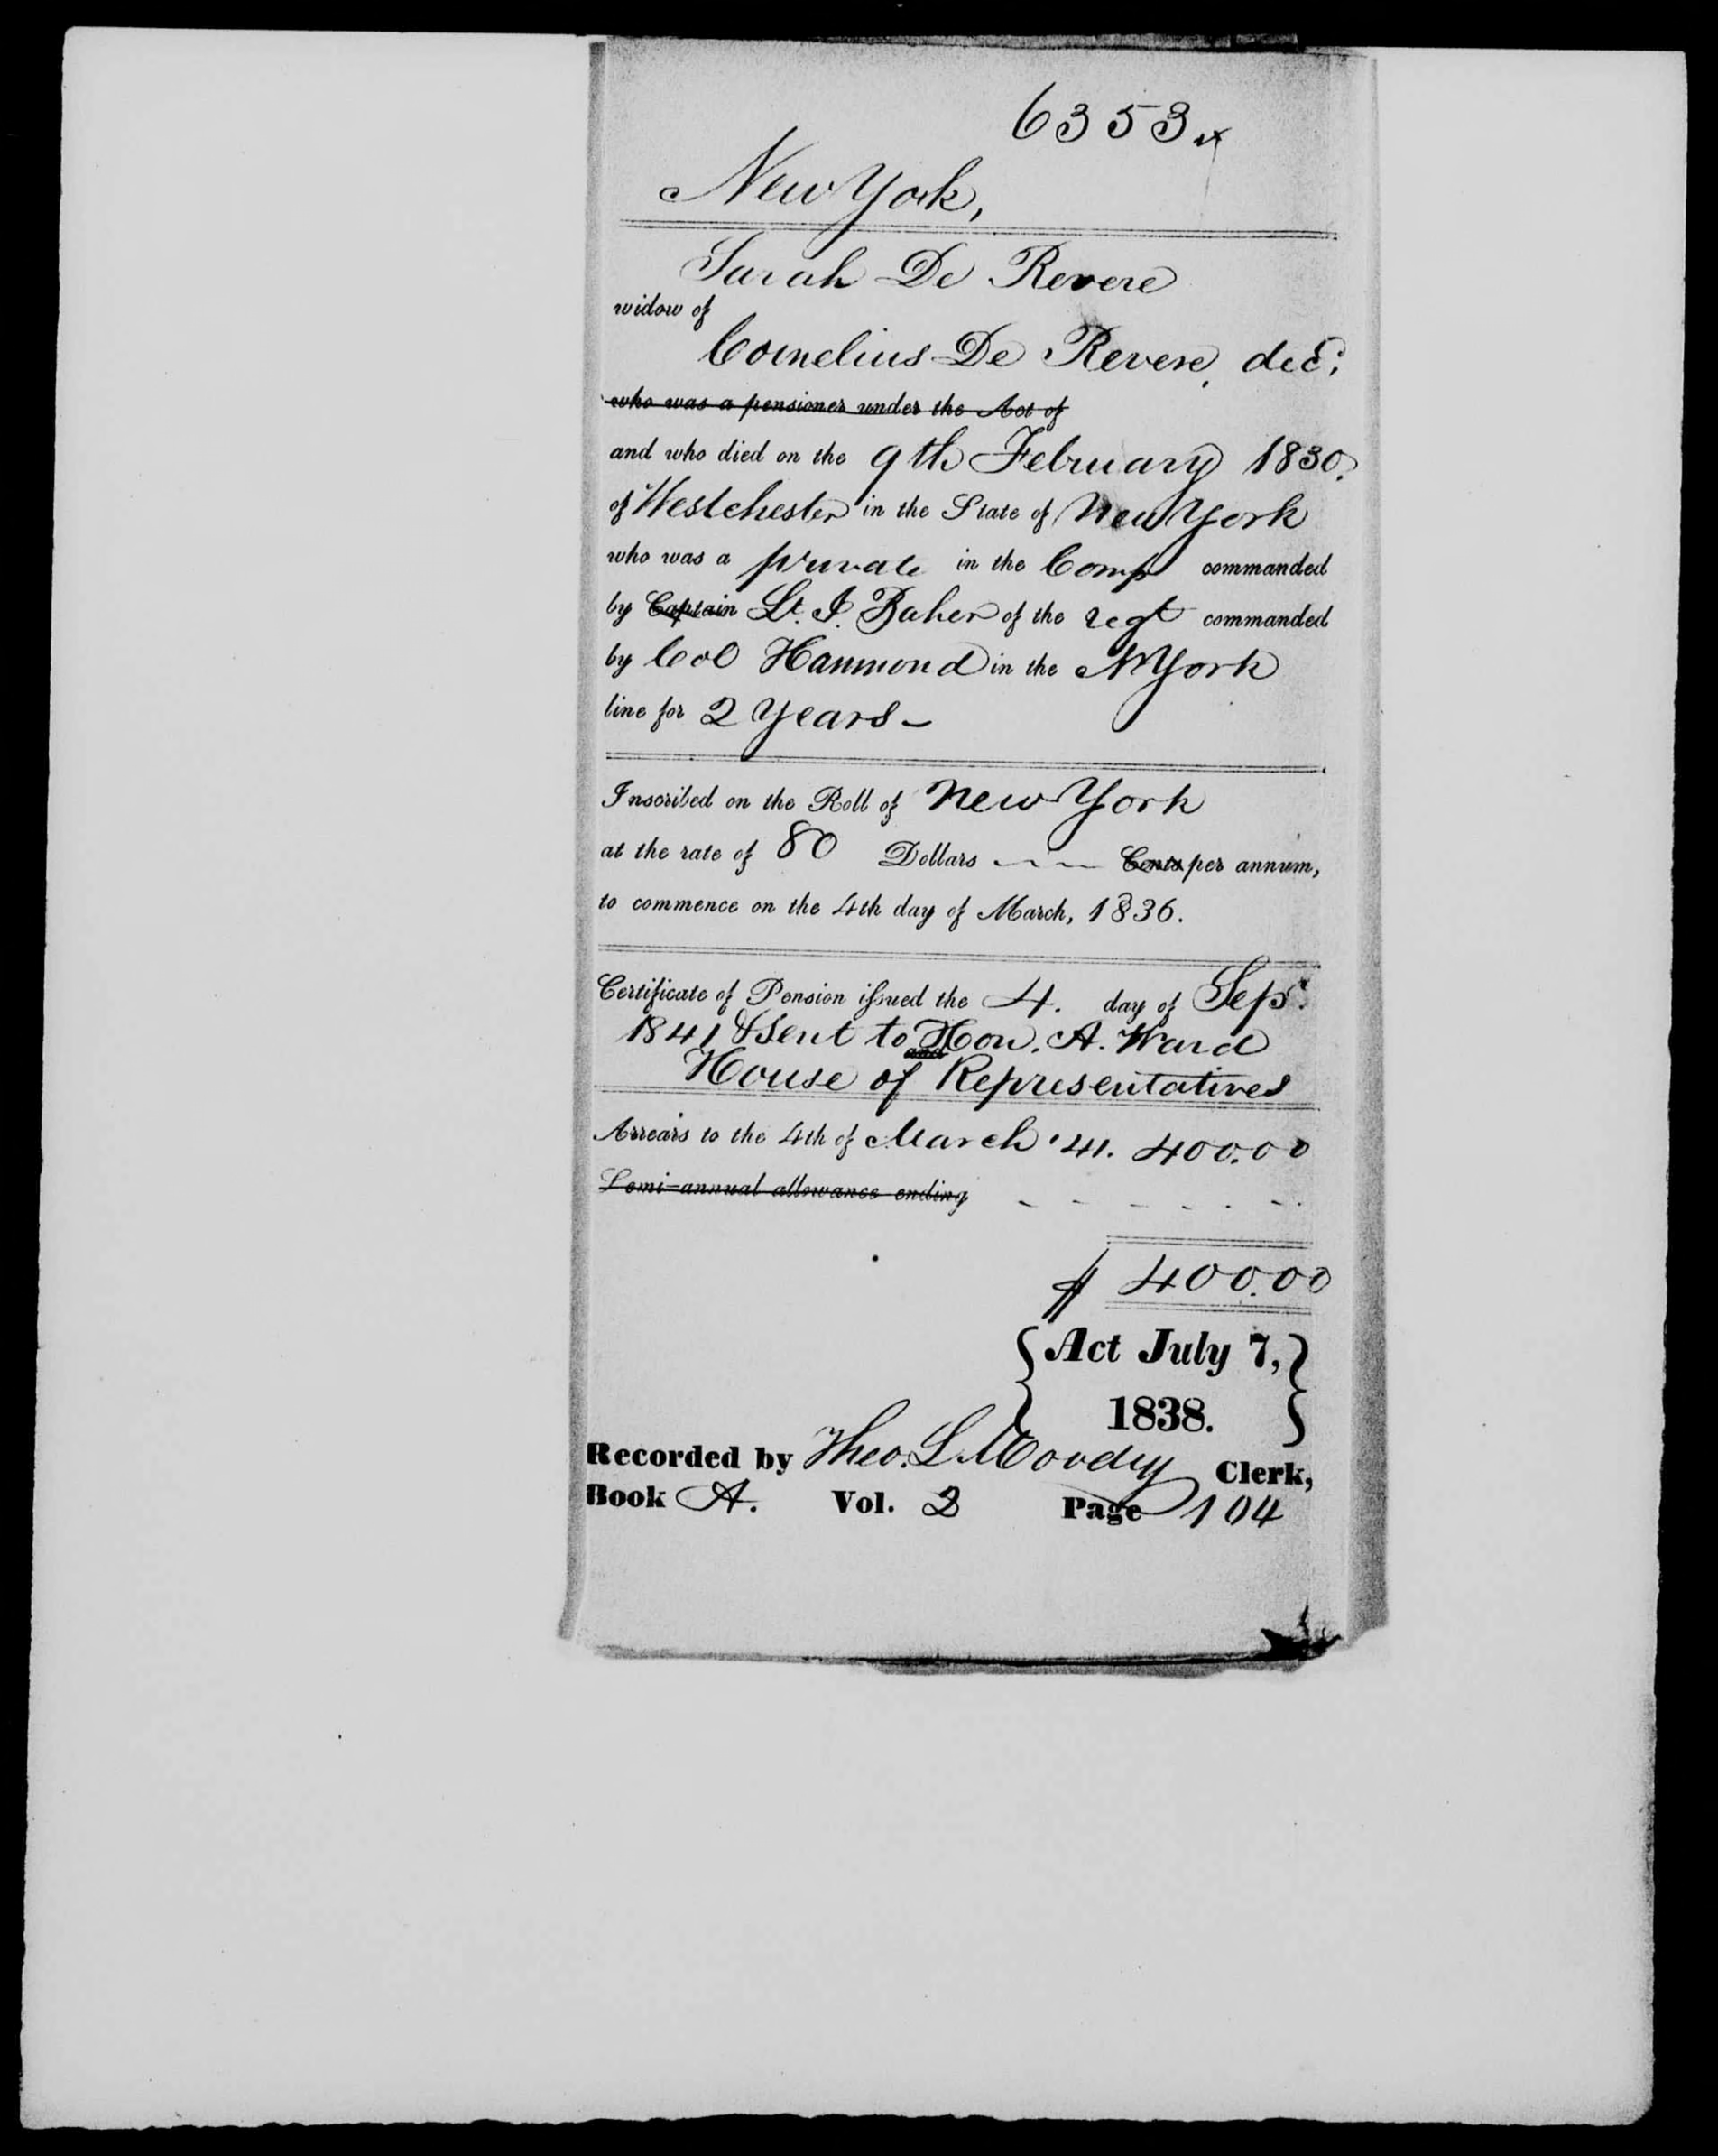6353
-
New York
Sarah DeRevere widow of Cornelius DeRevere, dec'd and who died on the 9th February 1830
of Westchester in the State of New York who was a private in the Comp commanded by Lt. J. Baker of the regt commanded by Col Hammond in the N York line for 2 years-

Inscribed on the Roll of New York at the rate of 80 Dollars - per annum to commence on the 4th day of March, 1836.

Certificate of Pension issued the 4 day of Sep.
1841 & sent to Hon. A. Ward House of Representatives

Arrears to the 4th of March '41 400.00
-----
$400.00
Act July 7, 1838

Recorded by Theo. L. Moody Clerk,
Book A. Vol. 2 Page 104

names: Sarah De Revere, Hammond, A Ward, Cornelius De Revere, J Baker, Theo L Moodey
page: 27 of 40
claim: widow's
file: W. 24057, Cornelius De Revere, New York